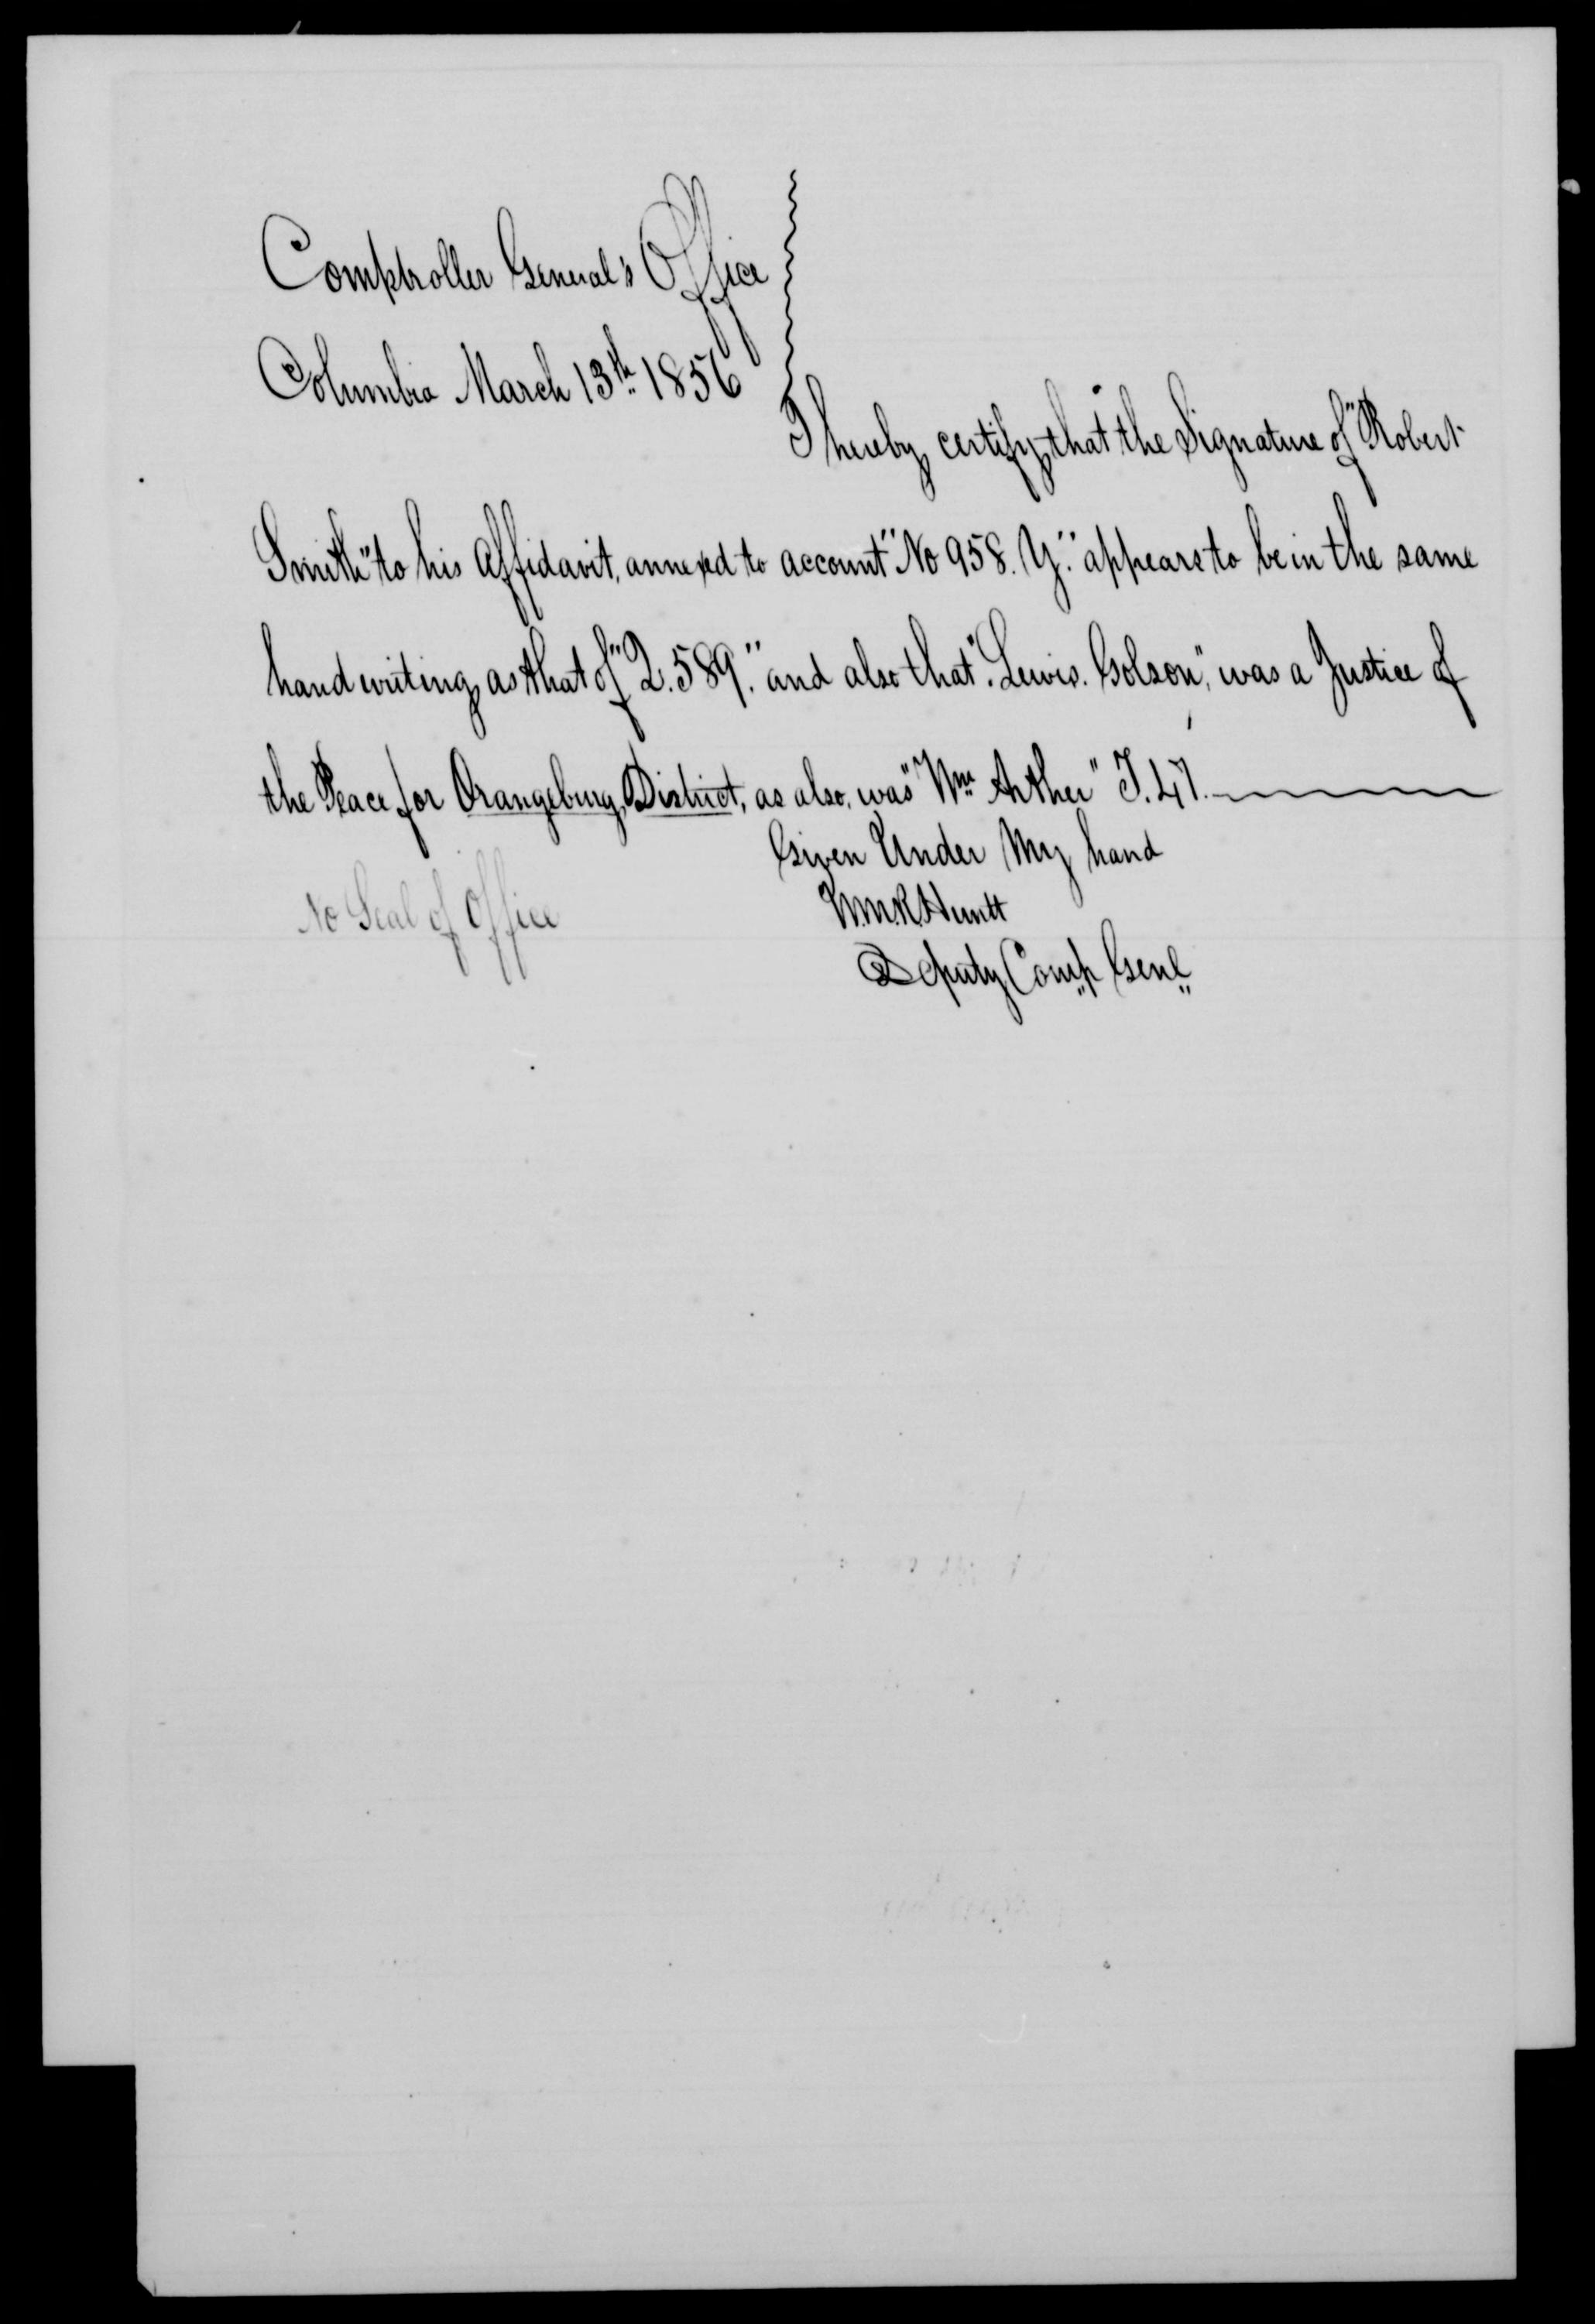Comptroller General's Office
Columbia March 15th 1856
I hereby certify that the Signature of "Robert
Smith" to his affidavit annexed to account "No 589.Y." appears to be in the same
handwriting as that of "2.589", and also that, "Lewis, Golson was a Justice of 
the Peace for Orangeburg, District, as also, was
"Wm Arthur" J(illegible)
Given Under my hand
Wm. R Huntt
Deputy Comp. Genl
No seal of office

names: Robert Smith; Lewis Golson; Wm R Huntt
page: 25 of 28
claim: rejected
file: R. 9744, for Robert Smith, South Carolina